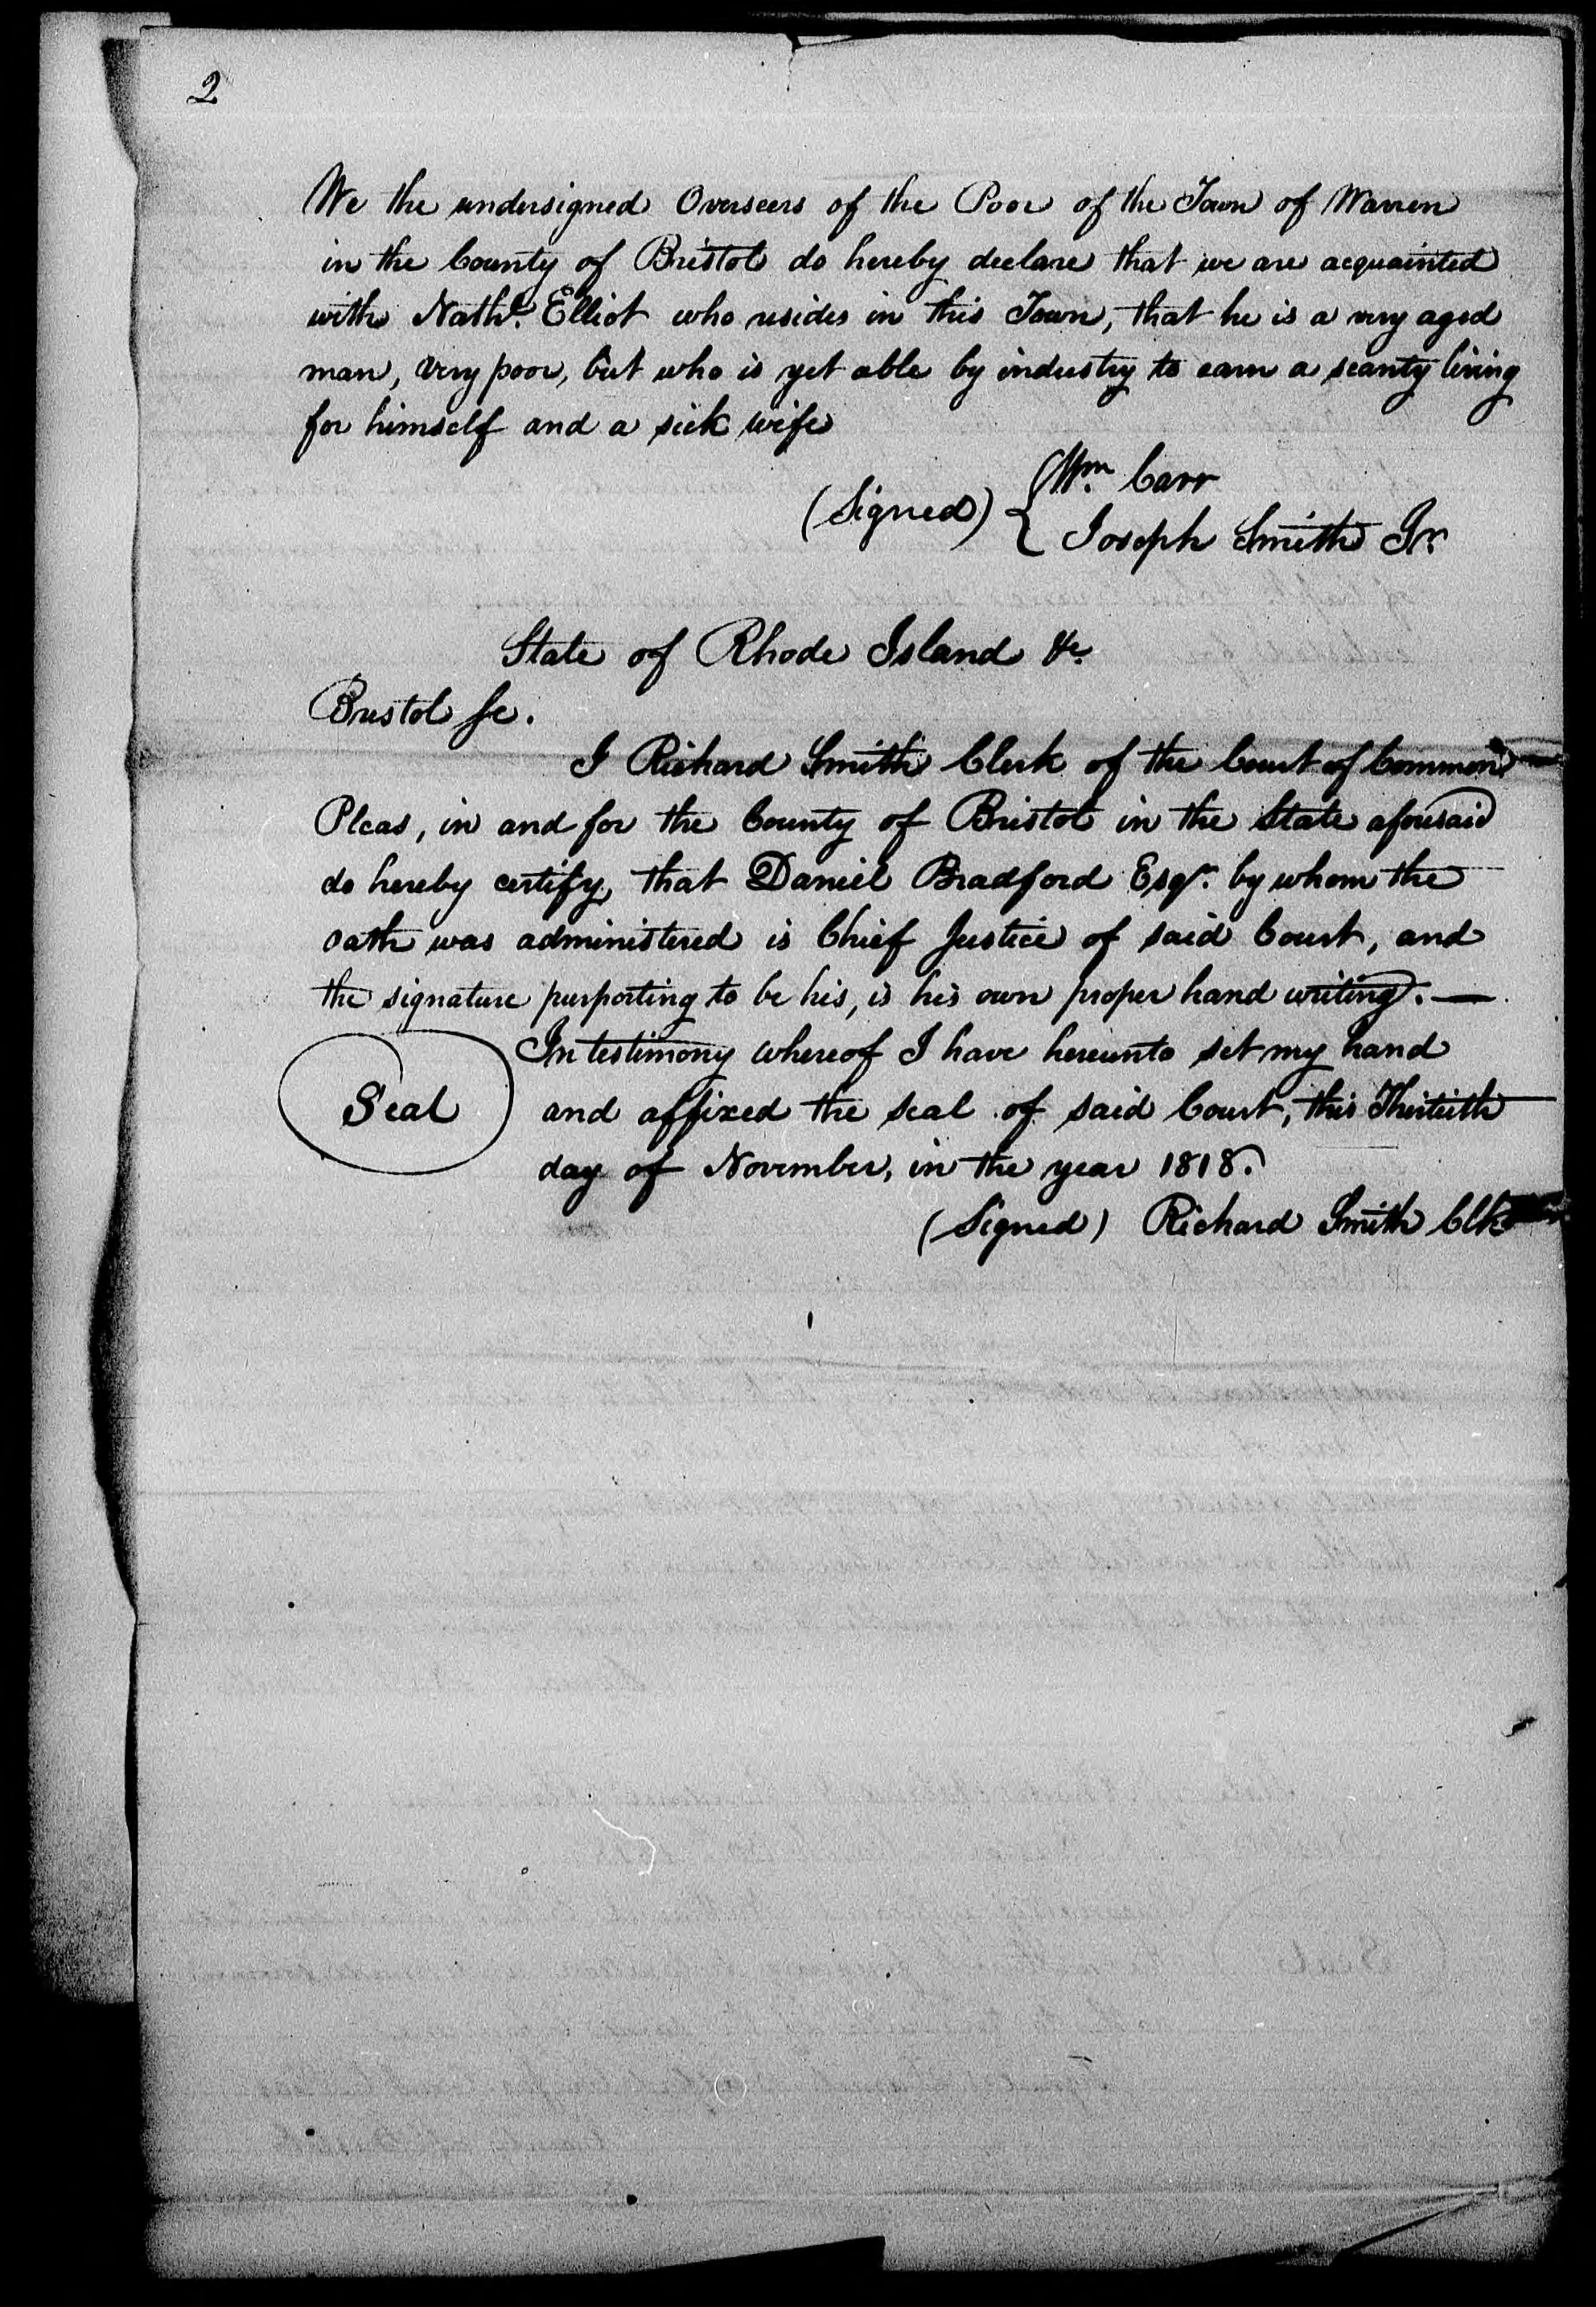2
We the undersigned Overseers of the Poor of the Town of Warren
in the County of Bristol do hereby declare that we are acquainted with
Nath’l. Elliot who resides in this Town, that he is a very aged
man, very poor, but who is yet able by industry to came a scanty living
for himself and a sick wife
(Signed ) Wm. Carr
Joseph Smith Jr.
State of Rhode Island &c
Bristol Ss.
I Richard Smith Clerk of the Court of Common
Pleas, in and for the County of Bristol in the State aforesaid
do hereby certify that Daniel Bradford Esq. by whom the
oath was administered is Chief Justice of said Court, and
the signature purporting to be his, is his own proper hand writing.
In testimony whereof I have hereunto set my hand
and affixed the seal of said Court, this Thirtieth
day of November, in the year 1818.
[Seal]
(Signed) Richard Smith Clk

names: Nathl Elliot, Richard Smith, Daniel Bradford, Joseph Smith, Richard Smith, Wm Carr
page: 4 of 29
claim: survivor's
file: S. 38679, Nathaniel Elliot, Continental R.I.